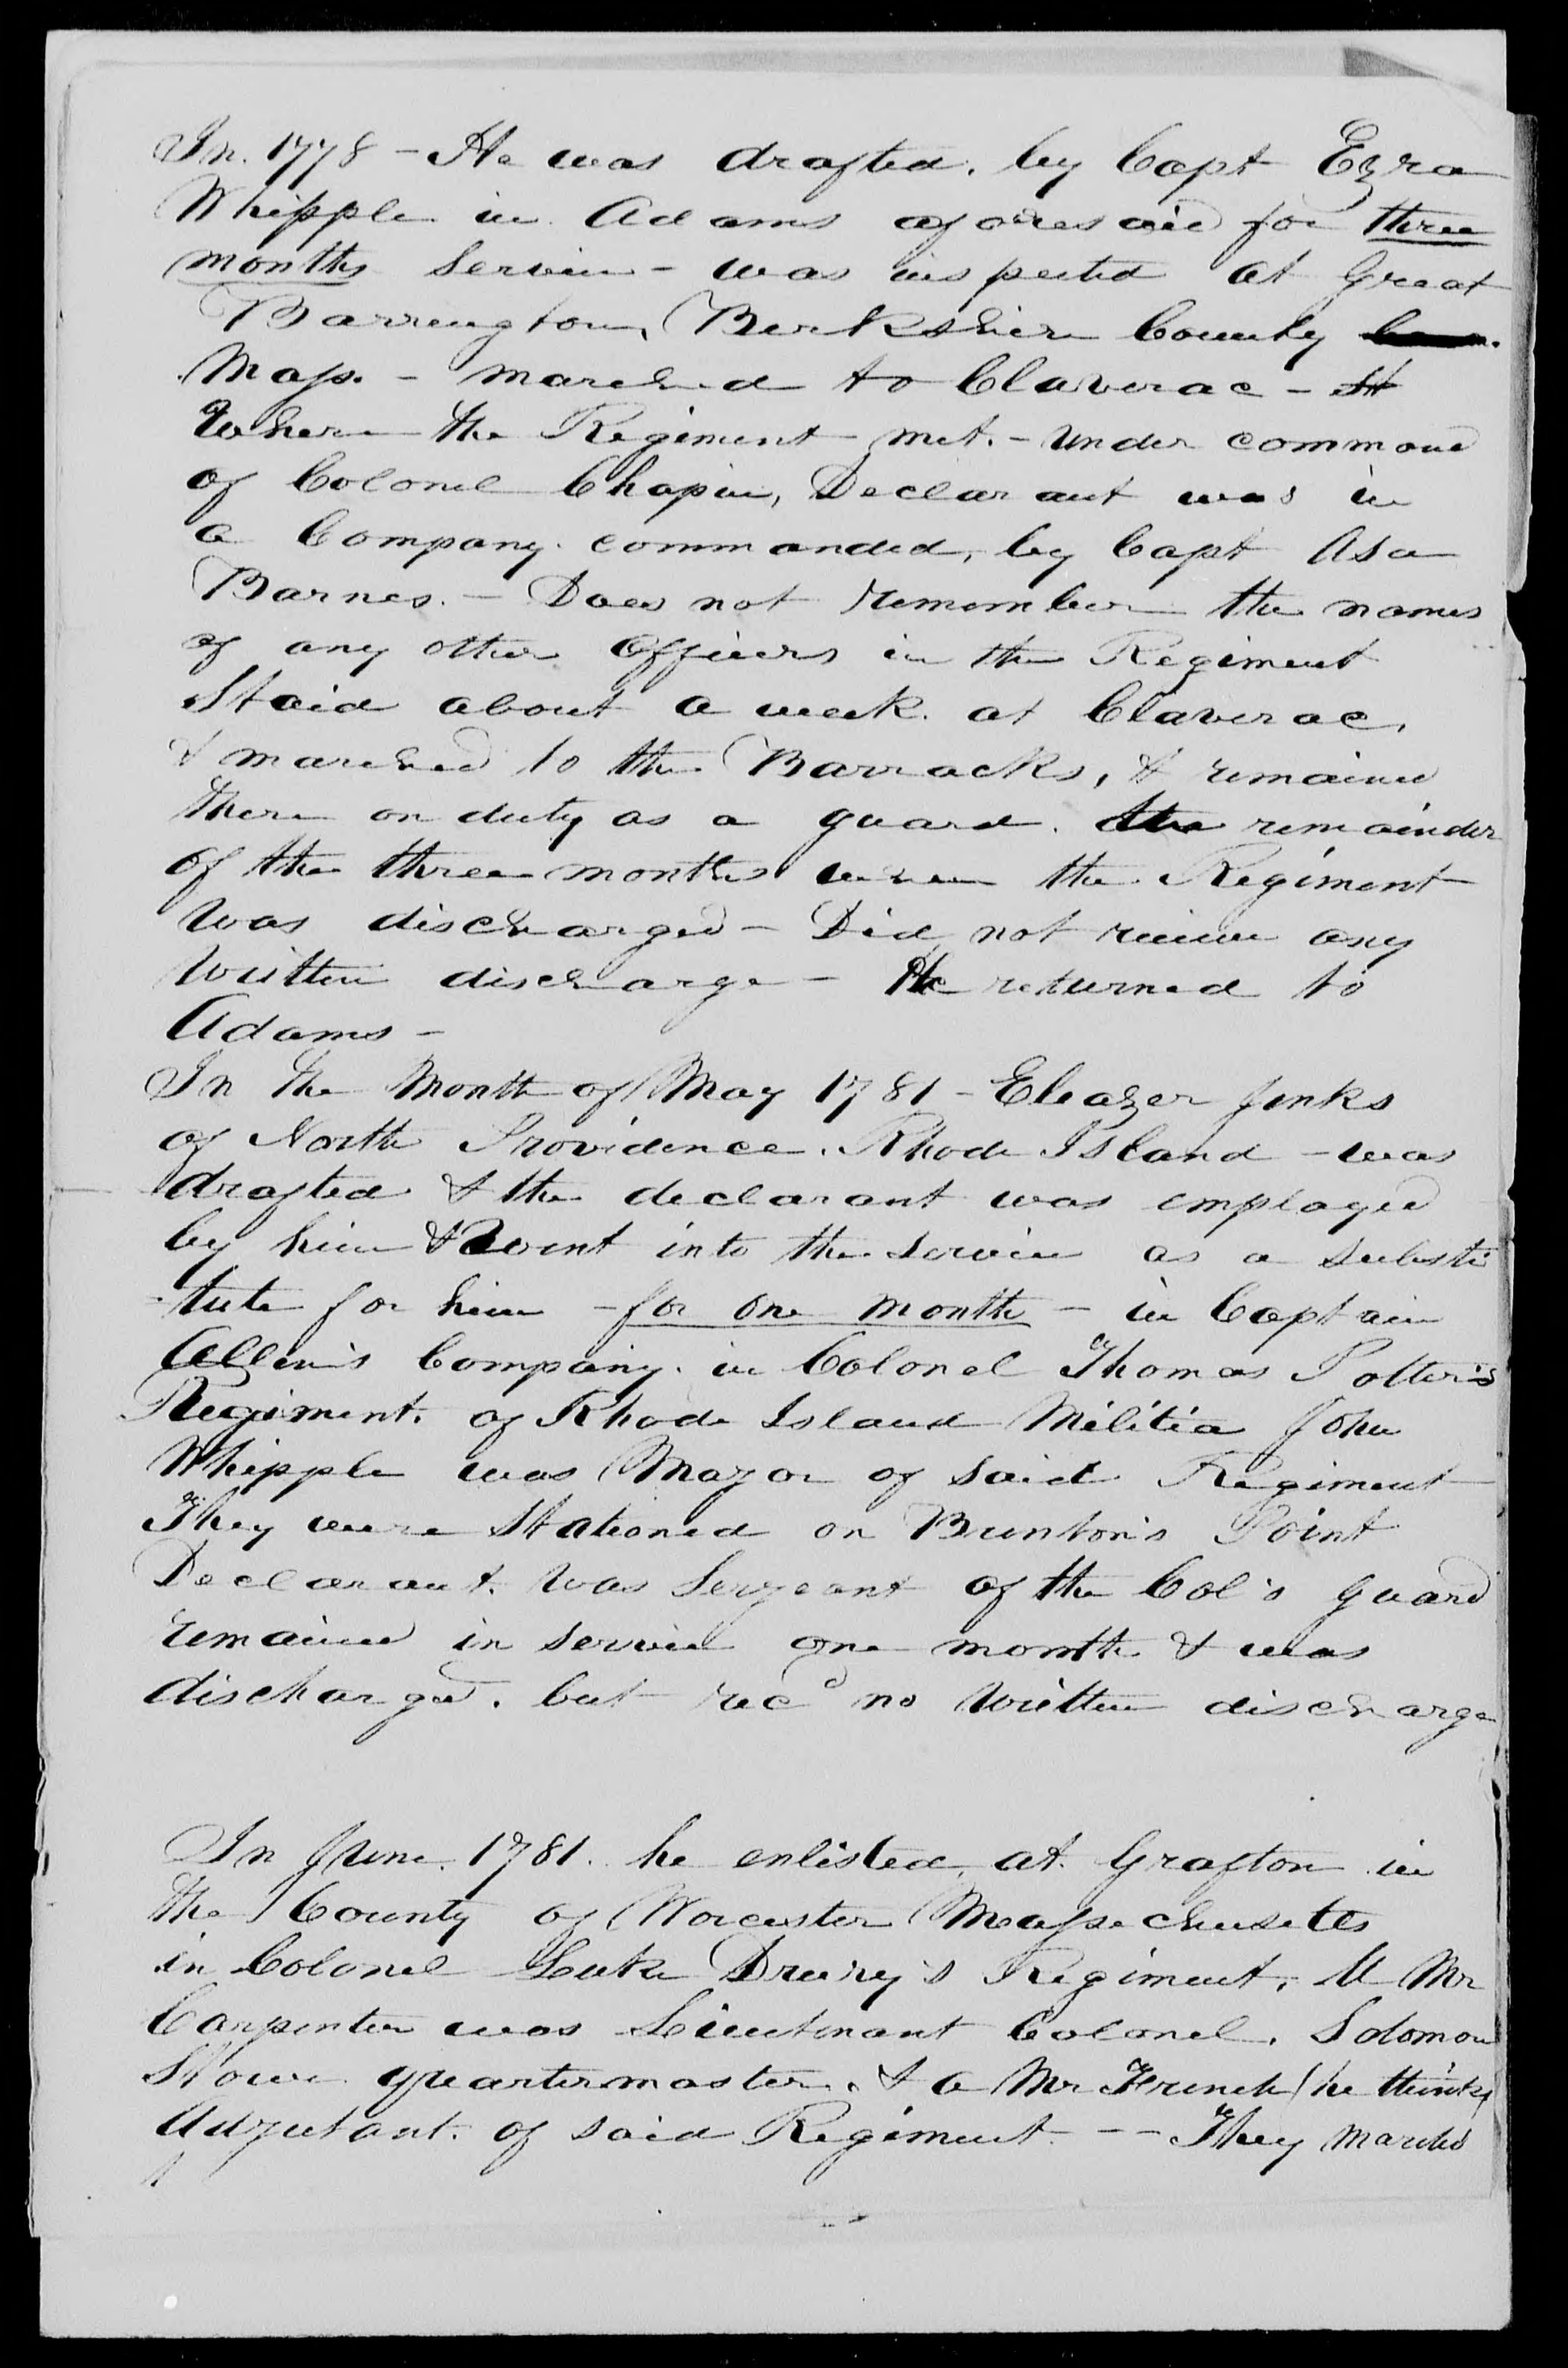In 1778 - He was drafted by Capt Ezra Whipple in Adams aforesaid for three months service - was inspected at Great Barrington, Berkshire County Mass - marched to Claverac [Claverack] [illegible] where the Regiment met. -  under command of Colonel Chapin, Declarant was in a Company commanded by Capt Asa Barnes - Does not remember the names of any other officers in the Regiment staid about a week at Claverac & marched to the Barracks, & remained there on duty as a guard the remainder of the three months when the Regiment was discharged - Did not receive any written discharge - He returned to Adams.

In the month of May 1781 Eleazer Jenks of North Providence, Rhode Island  - was drafted & the declarant was employed by him & went into the service as a substitute for him - for one month - in Captain Allen's Company in Colonel Thomas Potter's Regiment of Rhode Island Militia John Whipple was Major of said Regiment They were stationed on Brenton's Point Declarant was Sergeant of the Col's guard remained in service one month & was discharged but rec no written discharge

In June 1781 he enlisted at Grafton in the County of Worcester Massachusetts in Colonel Luke Drury's Regiment, a Mr Carpenter was Lieutenant Colonel. Solomon Stowe quartermaster, & a Mr French (he thinks Adjutant of said Regiment.-- They marched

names: Chapin, Ezra Whipple, Asa Barnes, Carpenter, Solomon Stowe, John Whipple, French, Eleazer Jenks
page: 7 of 74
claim: widow's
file: W. 23424, John Allen, Mass. R. I.